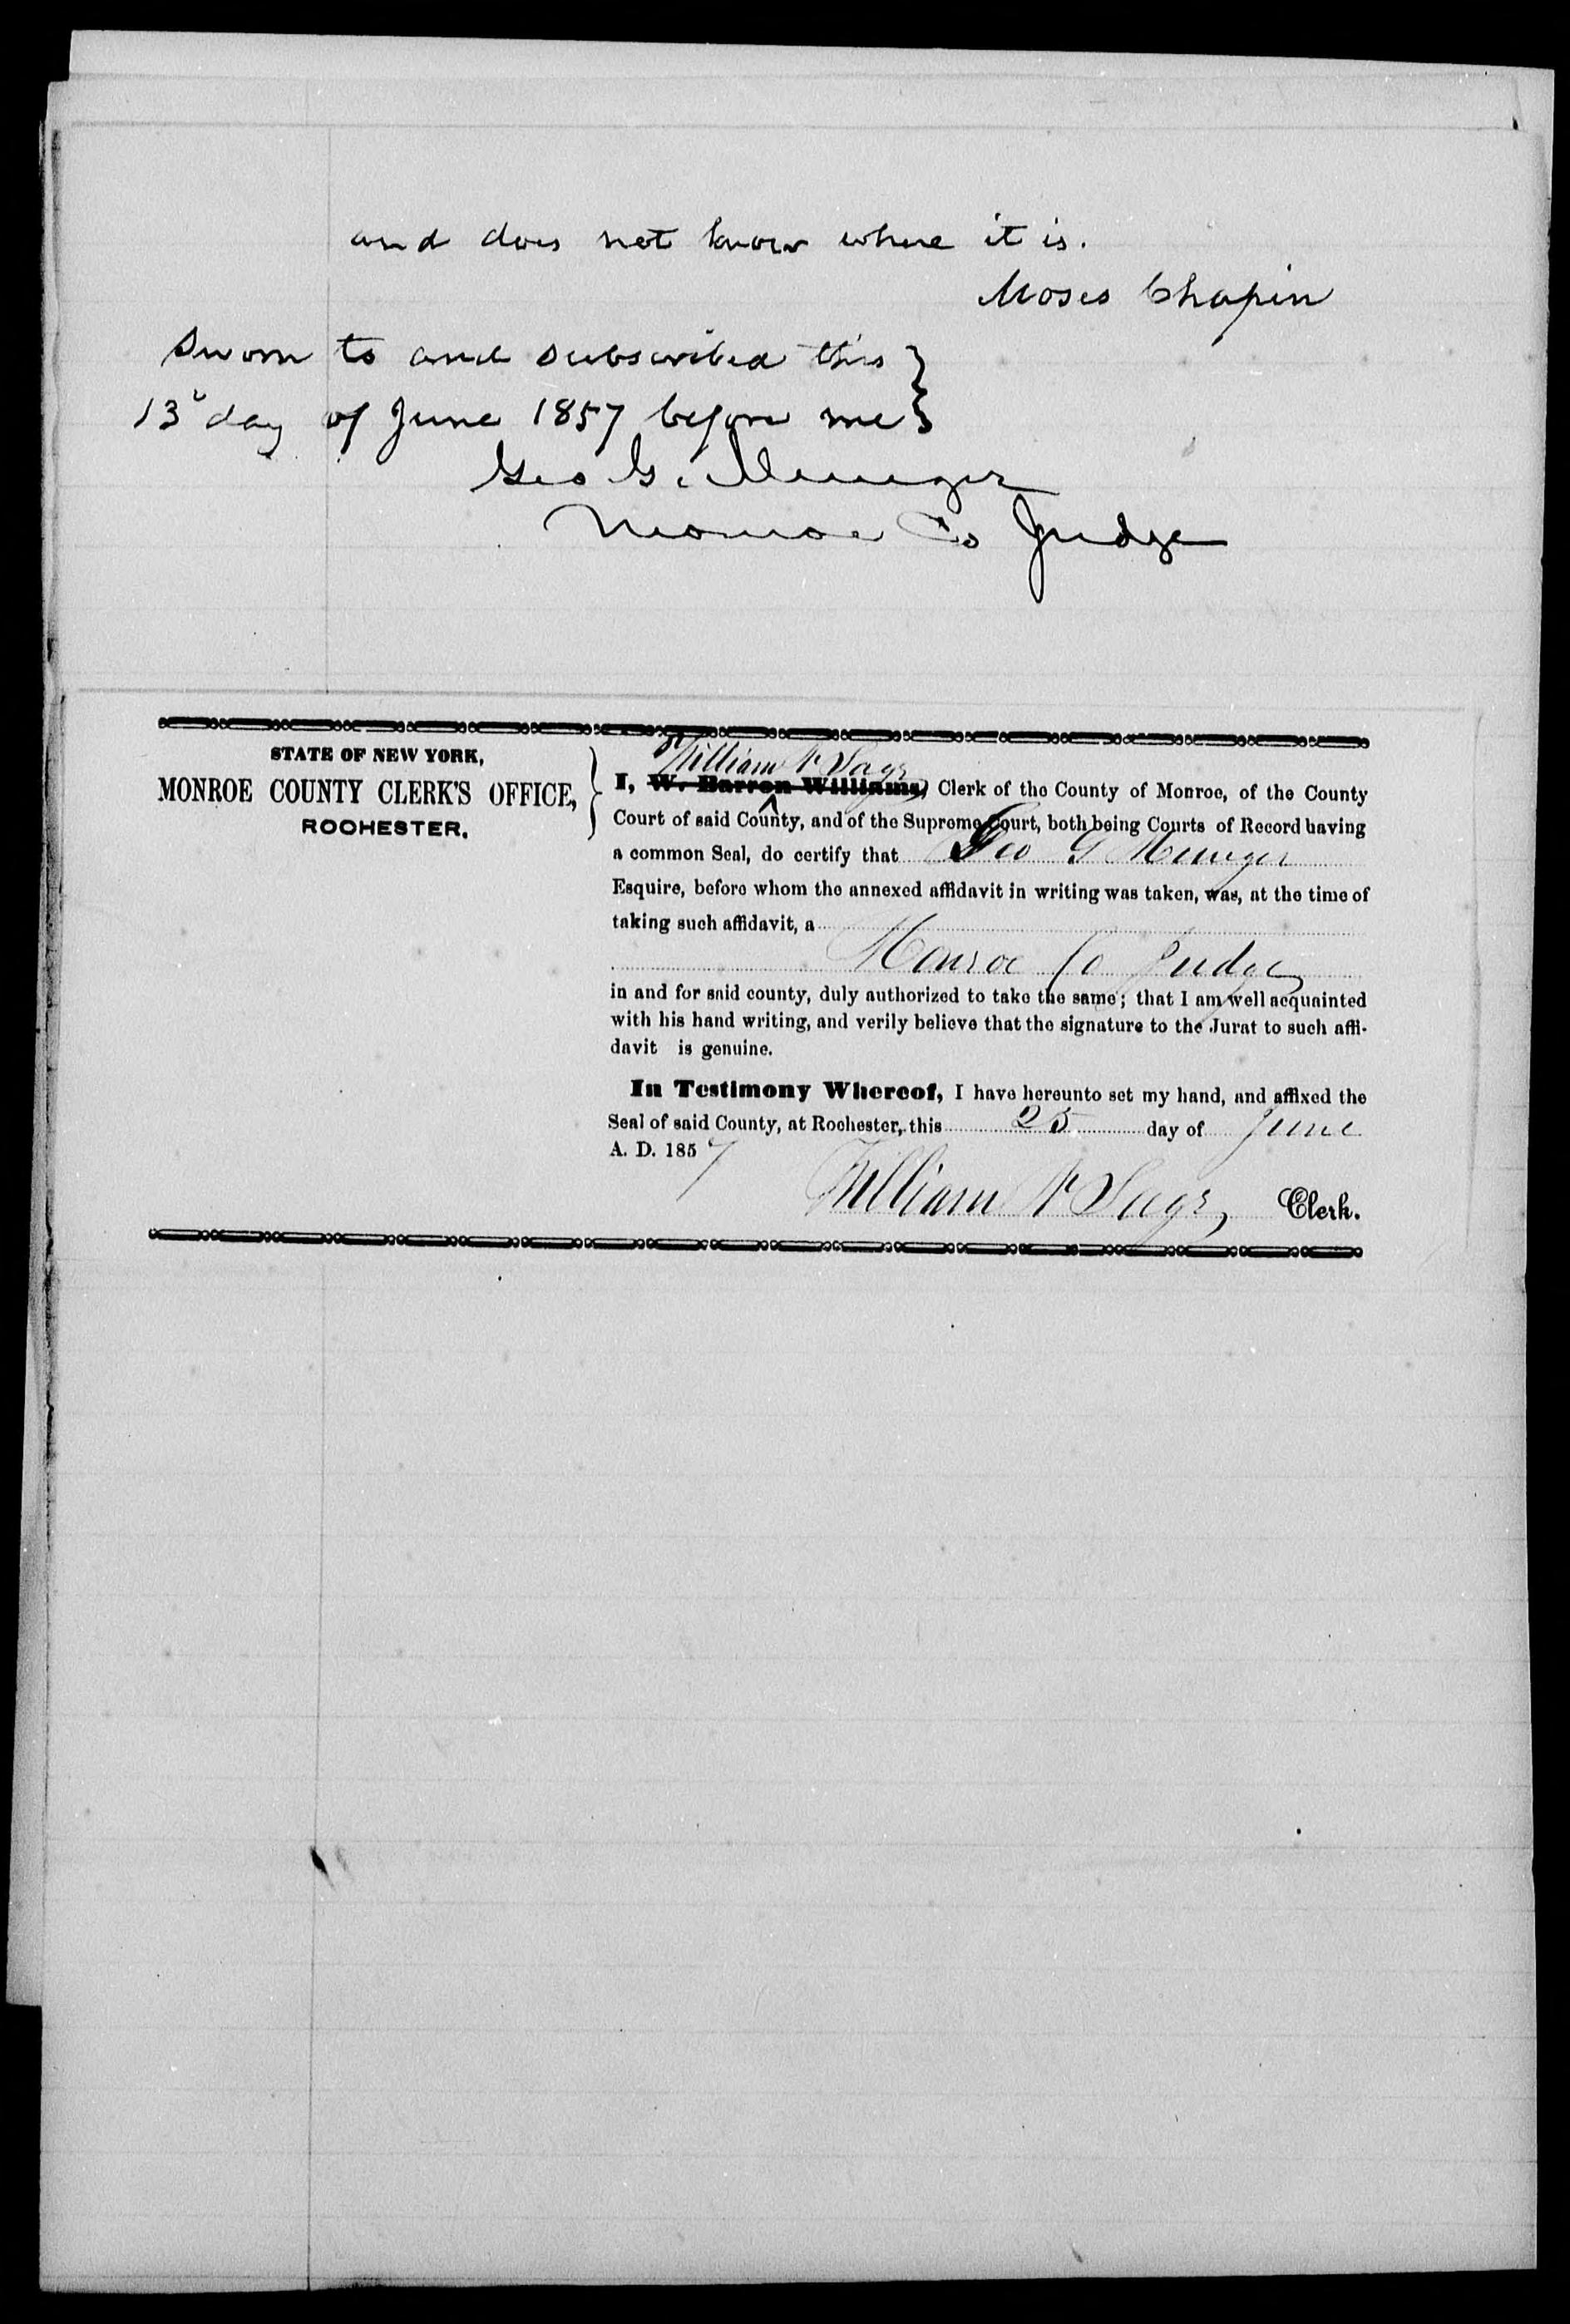and does not know where it is. 
Moses Chapin
Sworn to and subscribed this
13th day of June 1857 before me
Geo G Munger
STATE OF NEW YORK.
MONROE COUNTY CLERK'S OFFICE
ROCHESTER.
A. D. 1887
Judge
Clerk of the County of Monroe, of the County
Court of said County, and of the Supreme Court, both being Courts of Record having
a common Seal, do certify that Jo Hunger
Esquire, before whom the annexed affidavit in writing was taken, was, at the time of
taking such affidavit,
Monroe to Jude
in and for said county, duly authorized to take the same; that I am well acquainted with
his hand writing, and verily believe that the signature to the Jurat to such affidavit
is genuine.
In Testimony Whereof, I have hereunto set my hand, and affixed the
Seal of said County, at Rochester, this 25 day of June
William Page, Clerk.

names: Geo G Munger, Moses Chapin, Geo G Munger, William N Sage, William N Sage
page: 22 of 41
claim: widow's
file: W. 9819, Nathaniel Cumings, Vt.